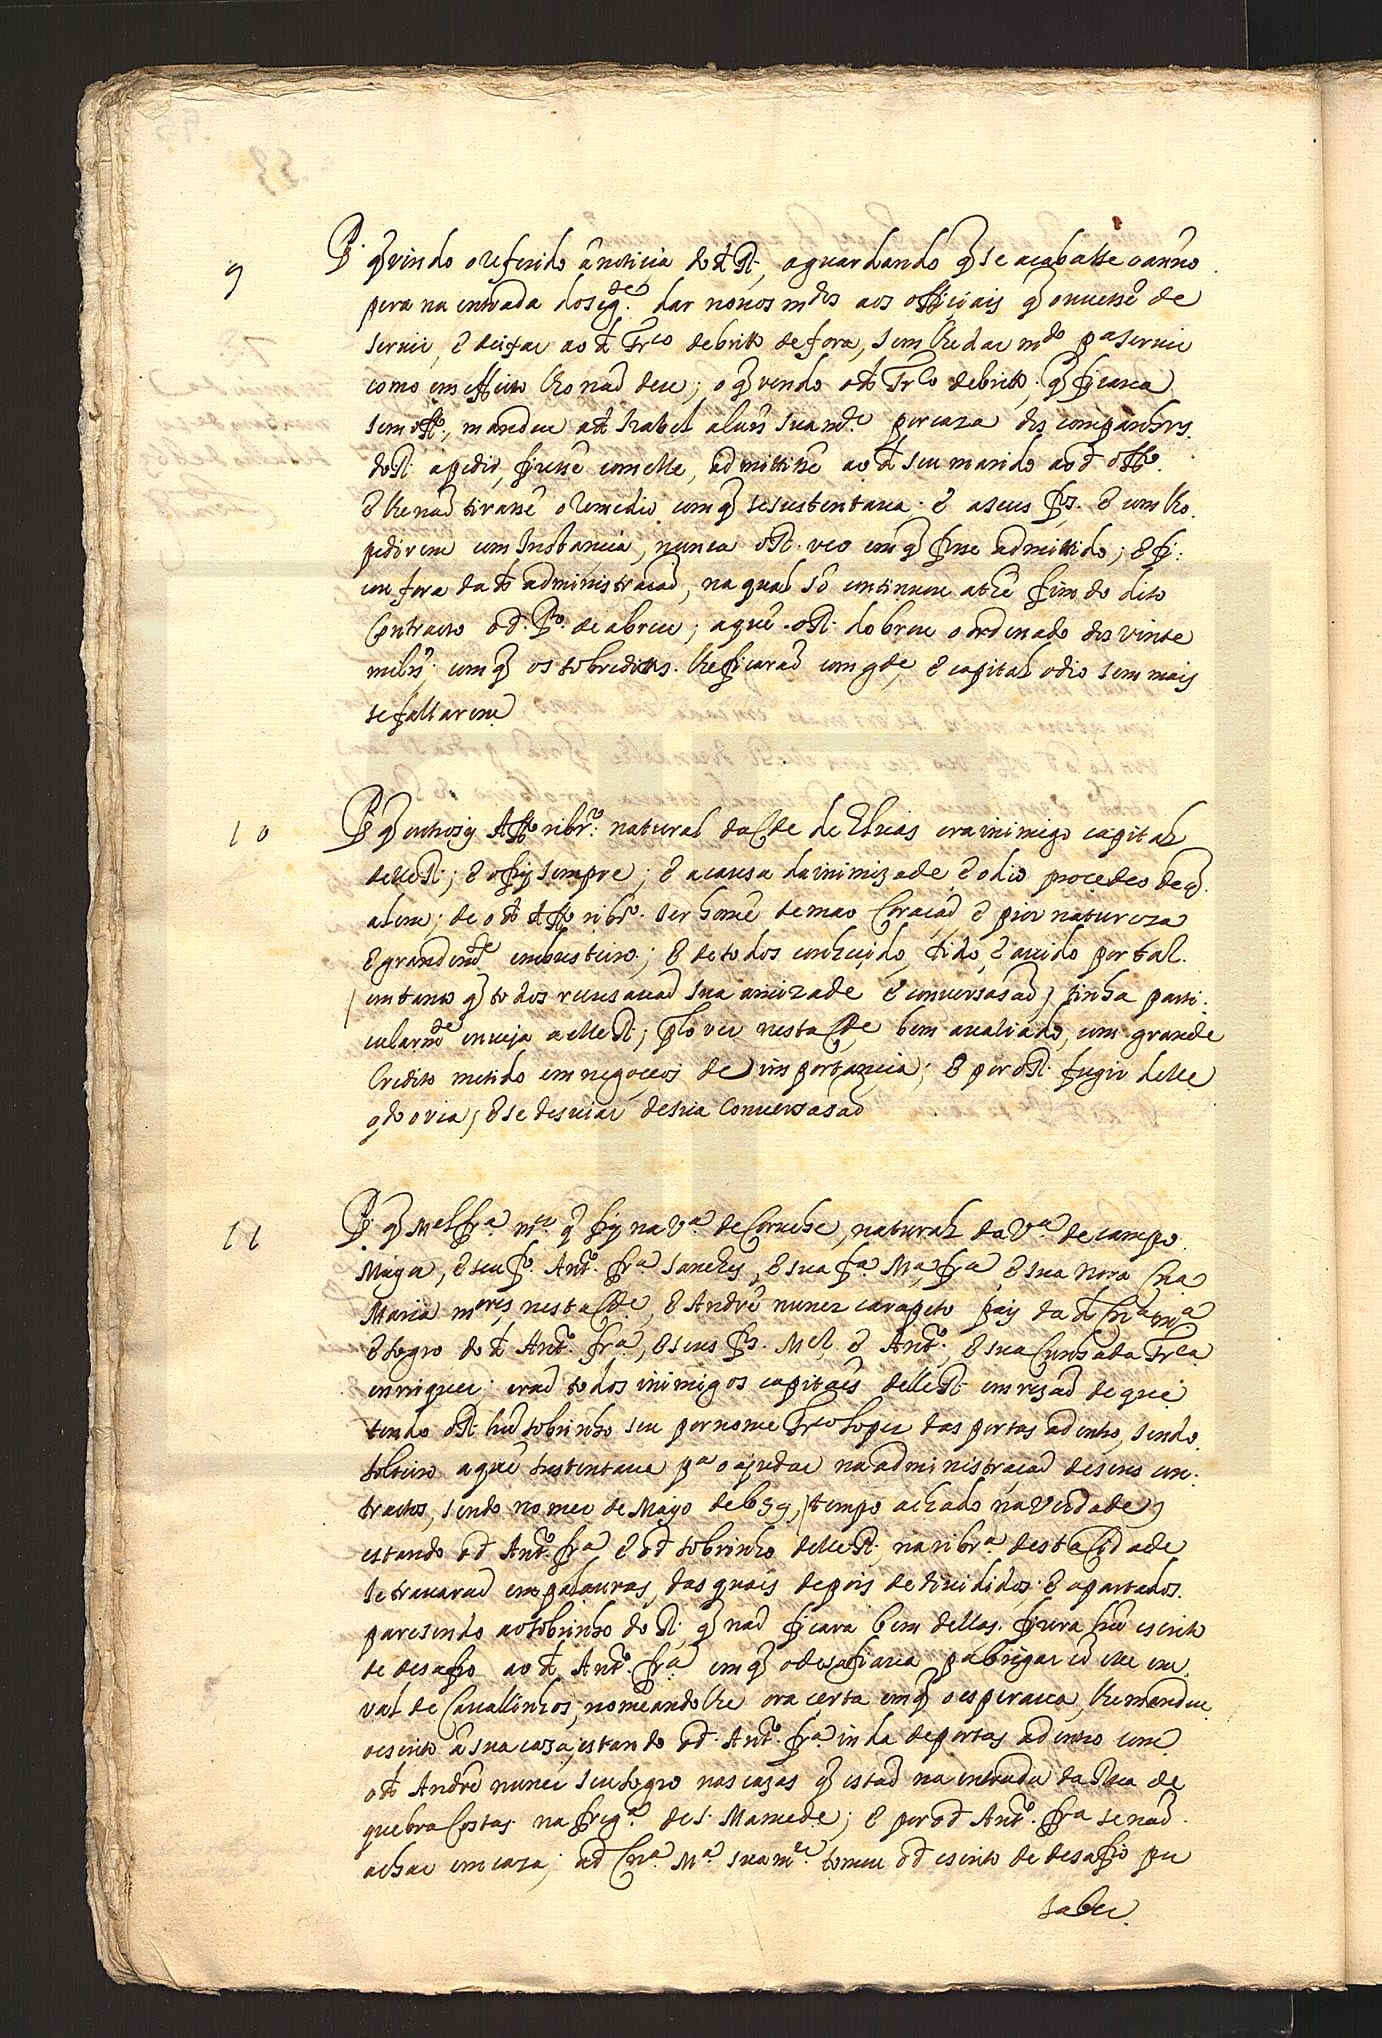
P. q̄ vindo o referido â notiçia do d̄ R., aguardando q̄ se acabasse o ann̄o
pera na entrada do segte. dar nouos mdos aos offiçiais q̄ ouuessē de
seruir, e deixar ao d̄ Frco de britto de fora, sem lhe dar mdo pa seruir
como em effeito lho naõ deu: o q̄ vendo o d̄ Frco de britto; q̄ ficaua
sem offo., mandou a d̄ Izabel alues̄ sua m.er por caza dos companhros.
do R. a pedir, fizessē com elle, admittissē ao d̄ seu marido do d̄ offo
e lhe naõ tirassē o Remedio com q̄ se sustentaua. e a seus fos. e com lho
pedirem com Instançia, nunca o R. veo em q̄ fosse admittido; e fi
cou fora da d̄ administracão, na qual sô continuou athê fim do dito
Contracto o d̄. Po. de abreu; a quē o R dobrou o ordenado dos vinte
mil rs̄: com q̄ os sobredittos lhe ficaraõ com gde e capital odio sem mais
se fallarem.
P q̄ outrosy Affo ribro: natural da Cde de Eluas era inimigo capitaL
delle R; e o foj sempre; e a causa da inimizade e odio procedeo de q̄
alem; de o d̄ Affo ribro. ser homē de mao Coraçaõ, e pior natureza
e grandemte embusteiro; e de todos conheçido, tido, e auido por tal
(em tanto q̄ todos recusauão sua amizade e conuersasão) tinha parti
cularmte enueja a elle R; p̄lo ver nesta Cde bem aualiado, com grande
Credito metido em negoçios de importançia; e por o R. fugir delle
qdo o via, e se desuiar de sua conuersasão
P q̄ Mel fra. mor. q̄ foy na Va. de Coruche, naturaL da Va. de campo
Mayor, e seu fo. Anto. fra. Sanches, e sua fa. Ma fra, e sua nora Cna.
Maria mores nesta Cde., e Andrē nunez carapeto pay da d̄ Cna ma
e Sogro do d̄ Anto. fra., e seus fos. Mel e Anto., e sua Cunhada Frca.
enrriquez; eraõ todos inimigos capitaēs delle R em rezaõ de que
tendo o R. hū sobrinho seu por nome Frco Lopez das portas adentro, sendo
Solteiro a quē sustentaua pa o ajudar na administraçaõ de seus con
tractos, sendo no mez de Mayo de 659, (tempo achado na verdade)
estando o d̄ Anto. fra e o d̄ sobrinho delle R. na ribra. desta CIdade
se trauaraõ em palauras, das quais depois de diuididos; e apartados
paresendo ao sobrinho do R. q̄ naõ ficara bem dellas fizera hū escrito
de desafio ao d̄ Anto. fra. em q̄ o desafiaua pa brigar cō elle em
val de Cauallinhos, nomeandolhe ora certa em q̄ o esperaua, lhe mandou
o escrito â sua casa; estando o d̄ Anto. fra. inda de portas adentro com
o d̄ Andrē nunez seu sogro nas cazas q̄ estaõ na entrada da Rua de
quebra Costas na frega. de S. Mamede; e por o d̄ Anto. fra se naõ
achar em caza; a d̄ Cna. Ma. sua mer. tomou o d̄ escrito de desafio por
saber
